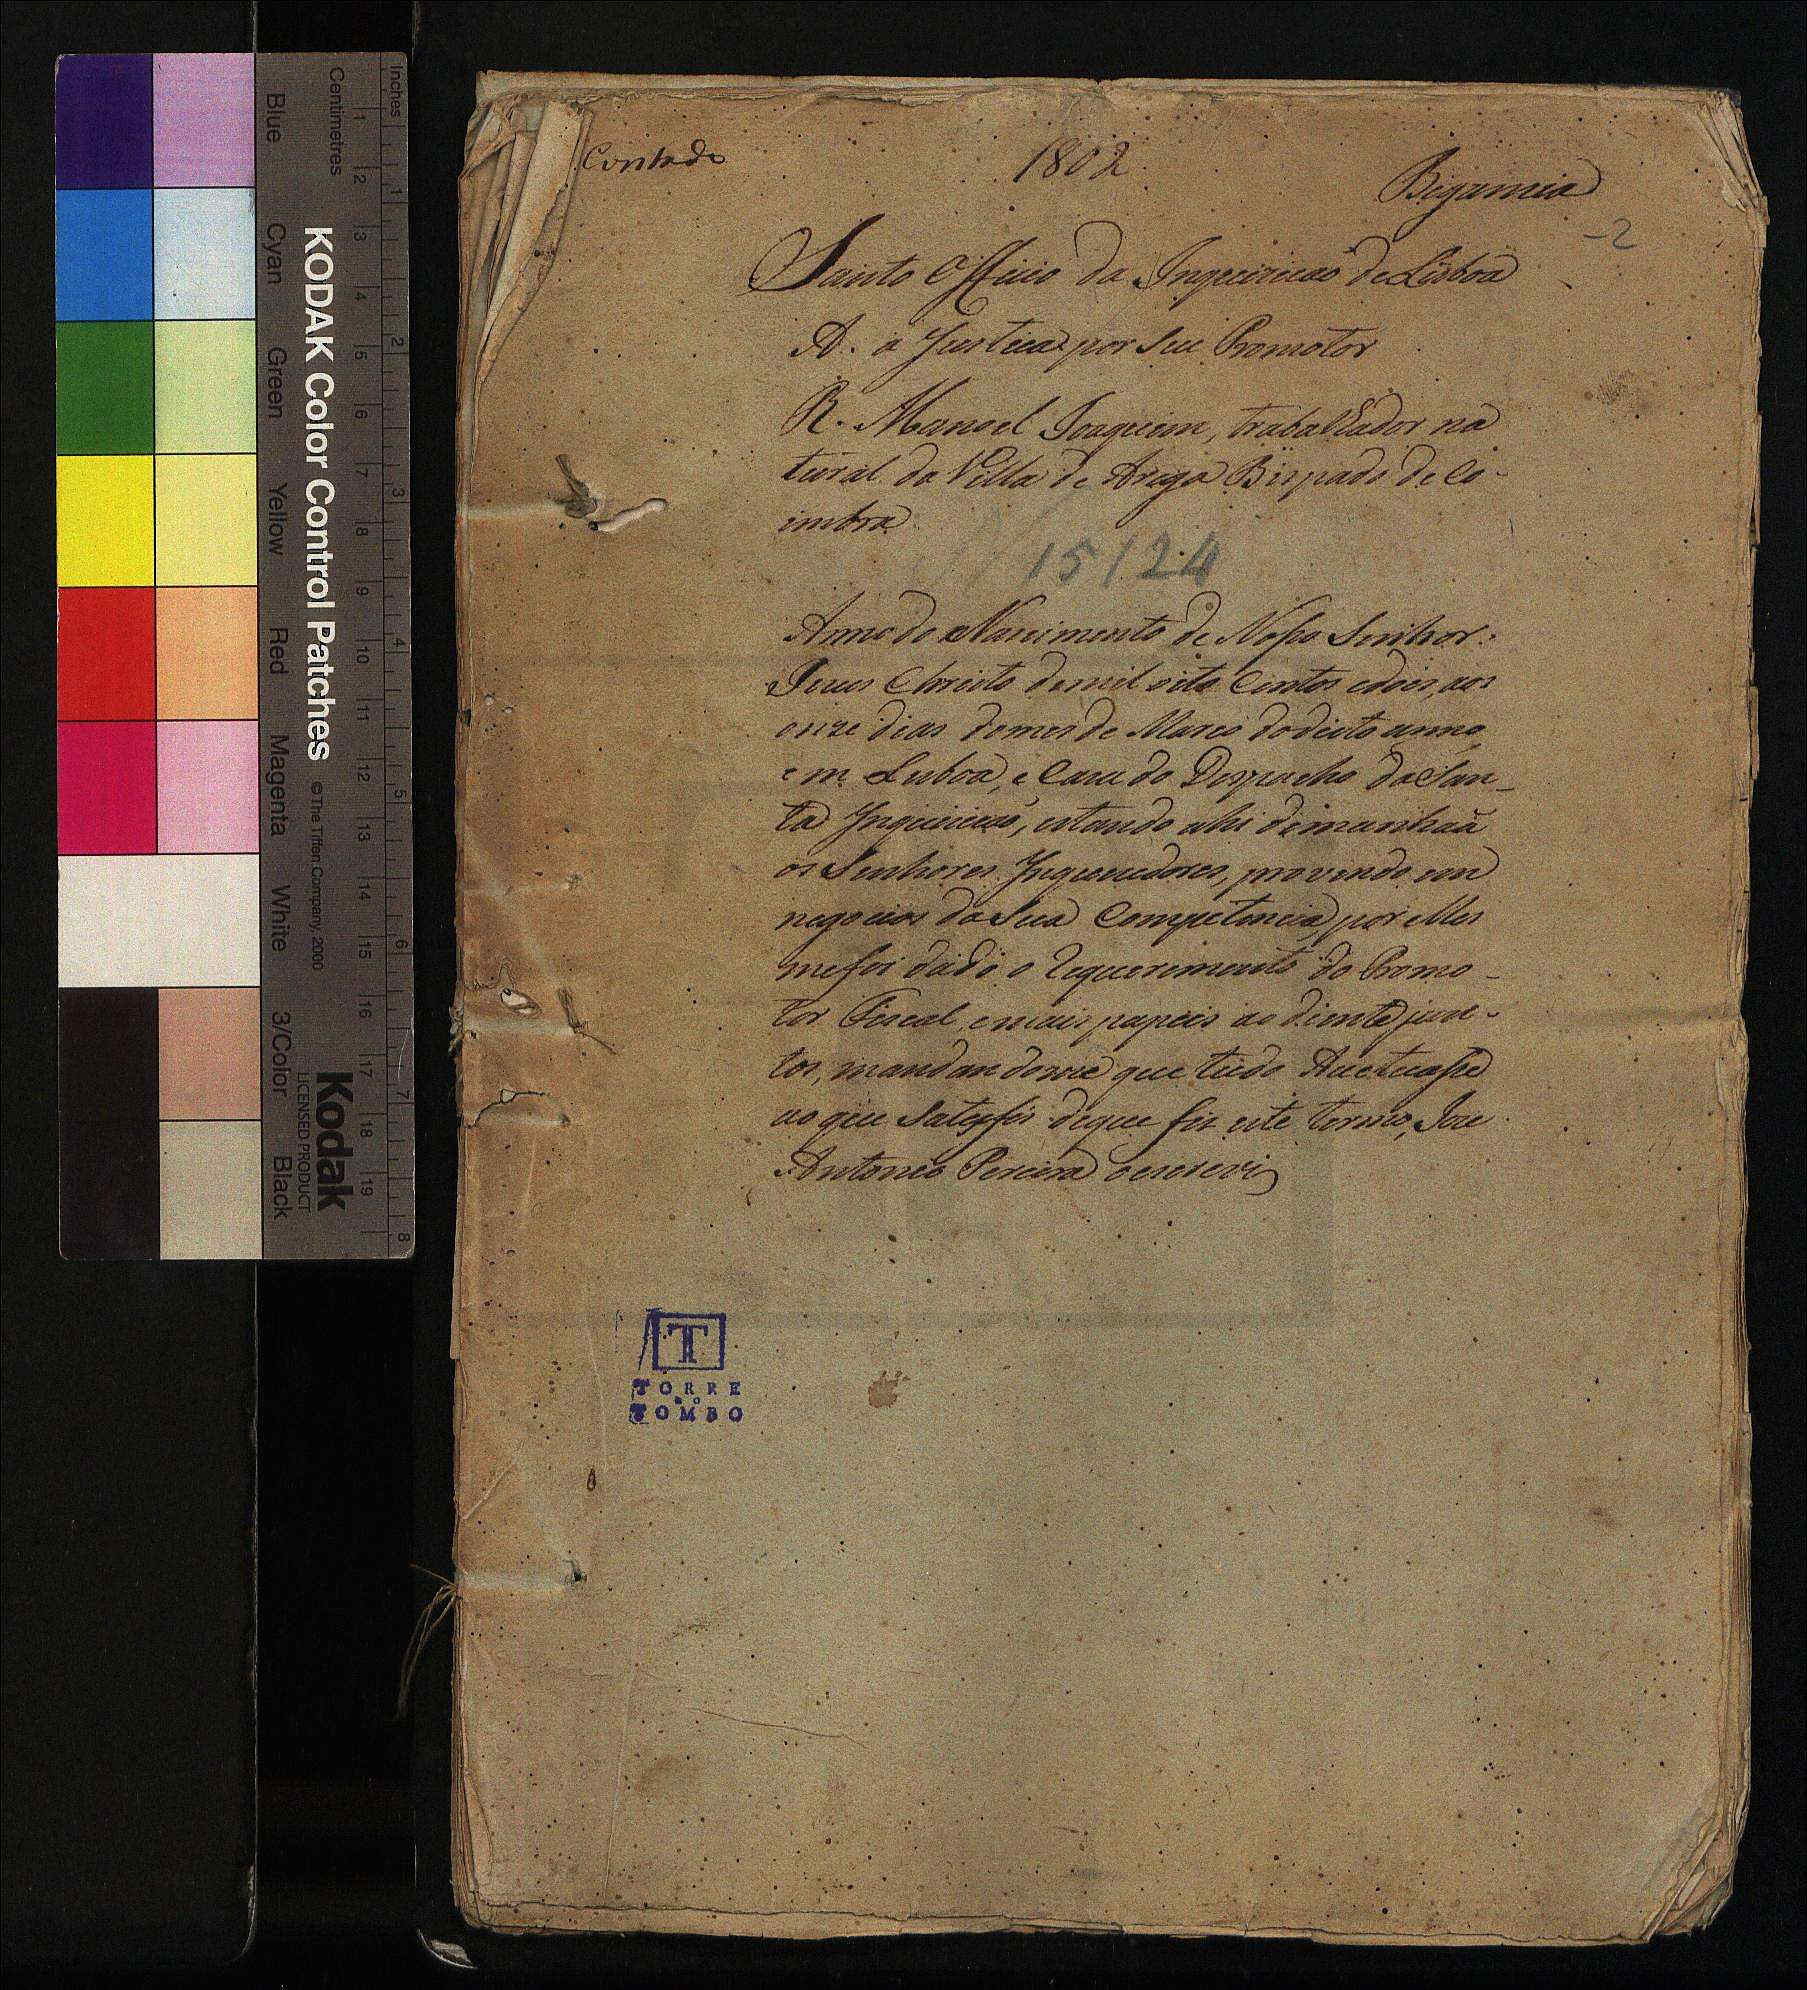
1802
Bigamia
Santo Officio da Inquisicaõ de Lisboa
A. a Justica por seu Promotor
R. Manoel Ioaquim, trabalhador na
tural da Villa de Arega Bispado de Co
imbra
Anno do Nascimento de Nosso Senhor
Iesus Christo de mil oito centos e dois, aos
onze dias do mes de Marco do dicto anno,
em Lisboa, e Casa do Despacho da San
ta Jnquisicaõ, estando ahi de manhaã
os Senhores Jnquisidores, provindo em
negocios da Sua competencia por elles
me foi dado o Requerimento do Promo
tor Fiscal, e mais papeis ao adiante jun
tos, mandando me que tudo Auctuasse
ao que Satisfis de que fiz este termo, Ioze
Antonio Pereira o escrevi
